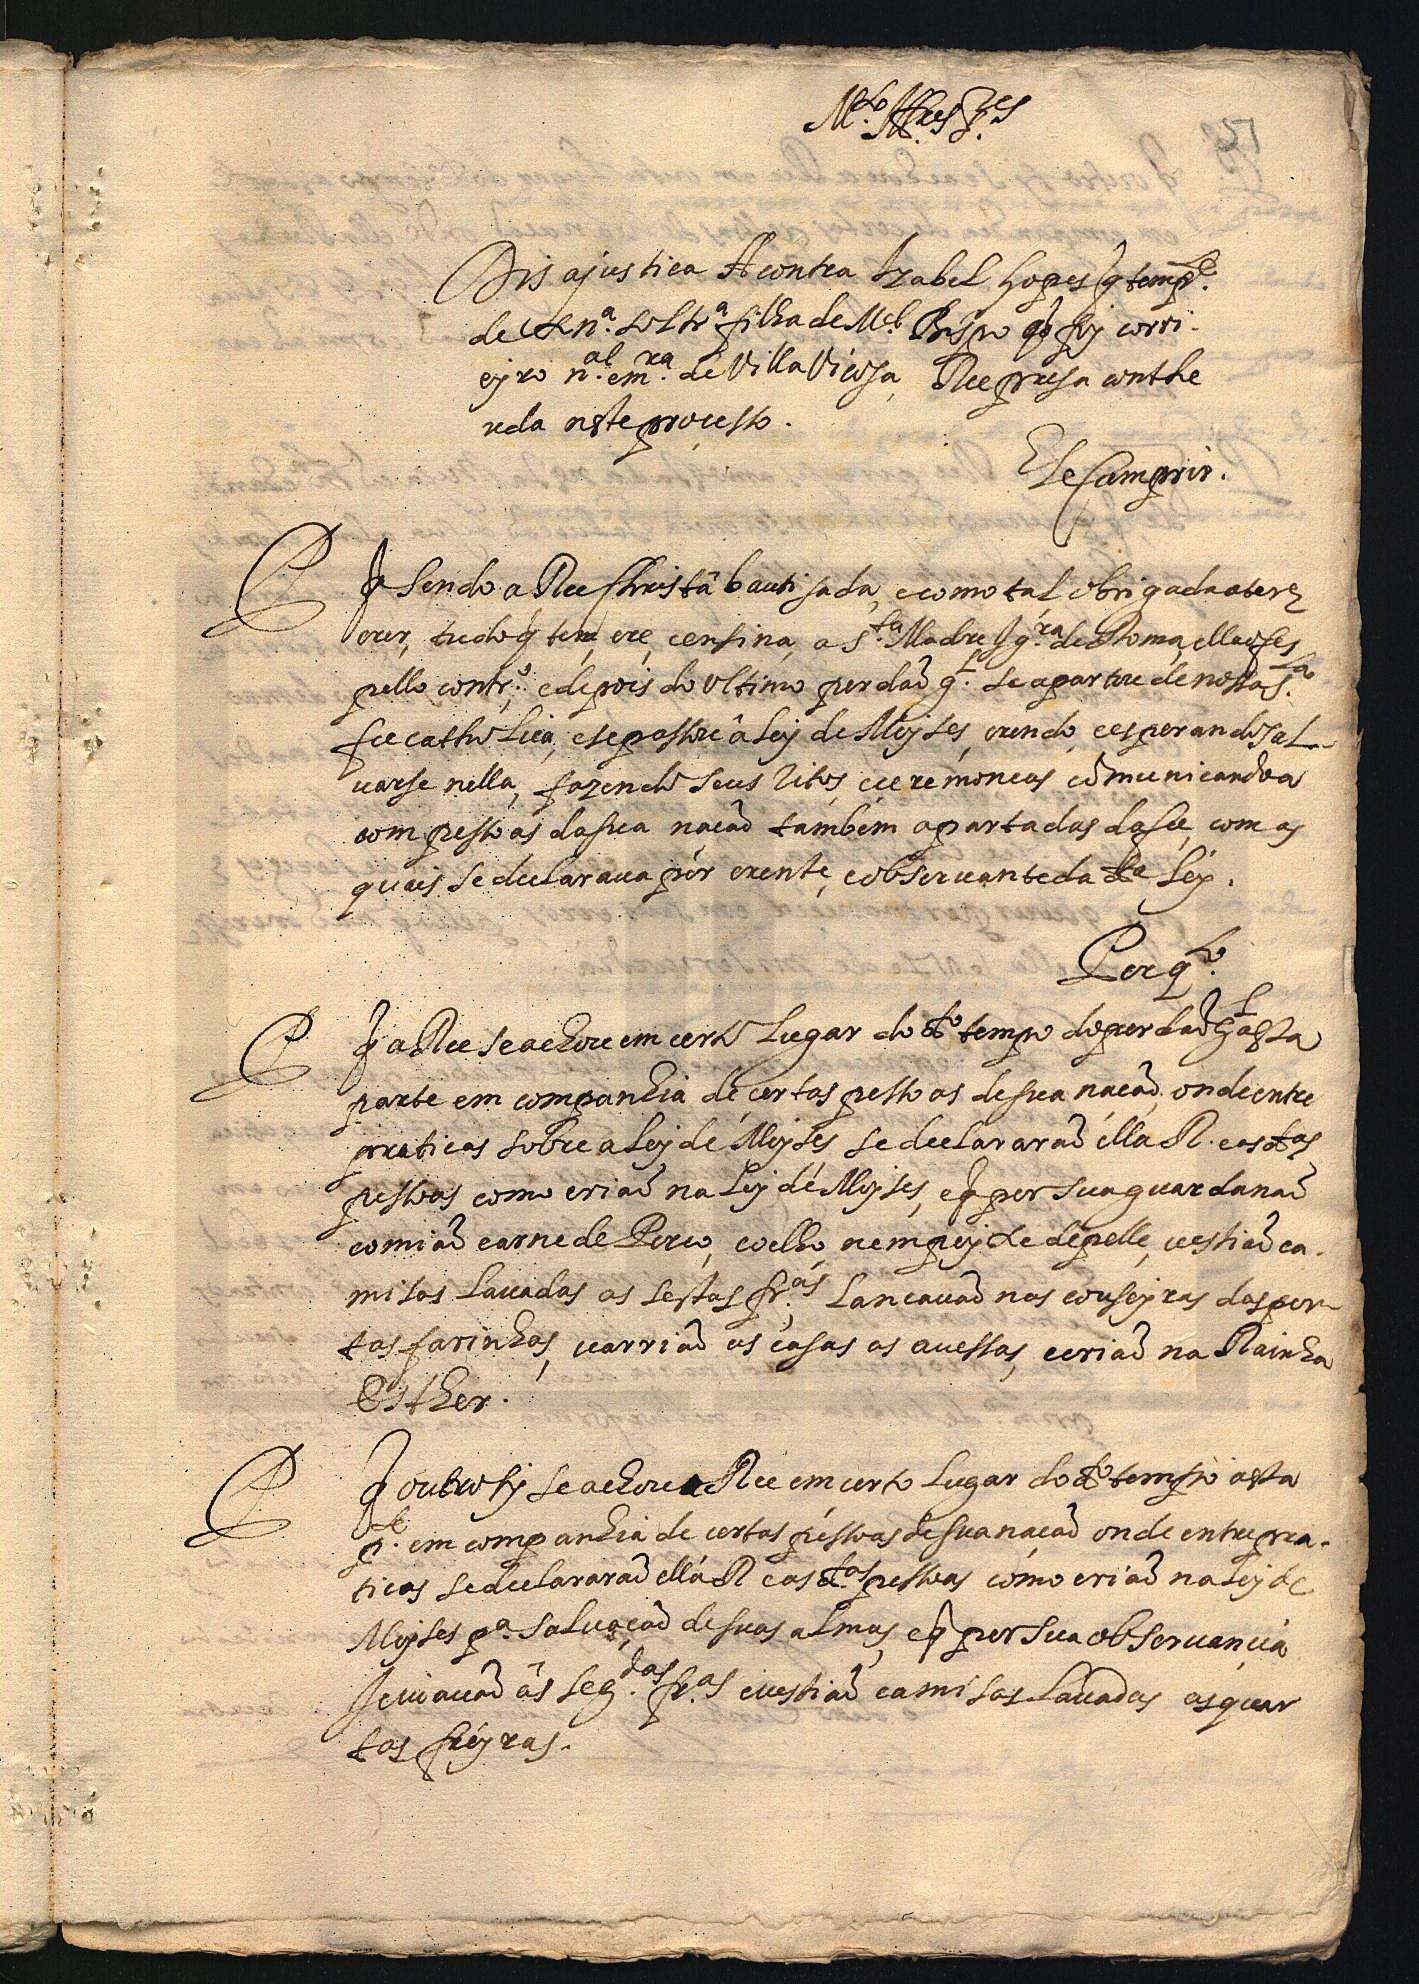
M.to Ilt.res S.res
Dis a justica A contra Izabel Lopes q̄ tem pte.
de xn.a soltr.a filha de M.el Bispo q̄o foy corri
eyro n.al e m.ra de Villa Vicosa, Ree presa conthe
uda neste proçesso.
E se Cumprir.
P. q̄ Sendo a Ree Christā bautisada, e como tal, obrigada a ter E
crer, tudo q̄ tem, cre, e ensina, a S.ta Madre Jg.ra de Roma, ella o fes
pello contr.o, e depois do vltimo perdaõ g.L se partou de nossa S.ta
fee catholica, e se passou â Ley de Moyses, crendo, e esperando saL.
uarse nella, fazendo seus Ritos, e çeremoneas cōmunicandoa
com pessoas da sua nação tambem apartadas da fee, com as
quais se declaraua por crente, e obseruante da d̄a Ley.
Porqto.
P q̄ a Ree se achou em certo Lugar do d̄o tempo do perdão GL a esta
parte em companhia de çertas pessoas de sua nação; onde entre
praticas sobre a Ley de Moyses se declararaõ ella R. e as d̄as
pessoas como criaõ na Ley de Moyses, e q̄ por sua guarda naõ
comiaõ carne de Porco, coelho, nem peyxe de pelle, uestiaõ ca
misas Lauadas as sestas fr.as, Lancauaõ nas couseyras das por
tas farinhas, uarriaõ as casas as auessas, e criaõ na Rainha
Esther.
P q̄ outrosy se achou a Ree em çerto Lugar do d̄o tempo a esta
pte. em companhia de çertas pessoas de sua naçaõ onde entre pra
ticas se declararaõ ella R e as d̄as pessoas como criaõ na Ley de
Moyses pa. saluaçaõ de suas aLmas, e q̄ por sua obseruançia
Jeiuauaõ âs seg.das fr.as e uestiaõ camisas Lauadas as quar
tas freyras.
